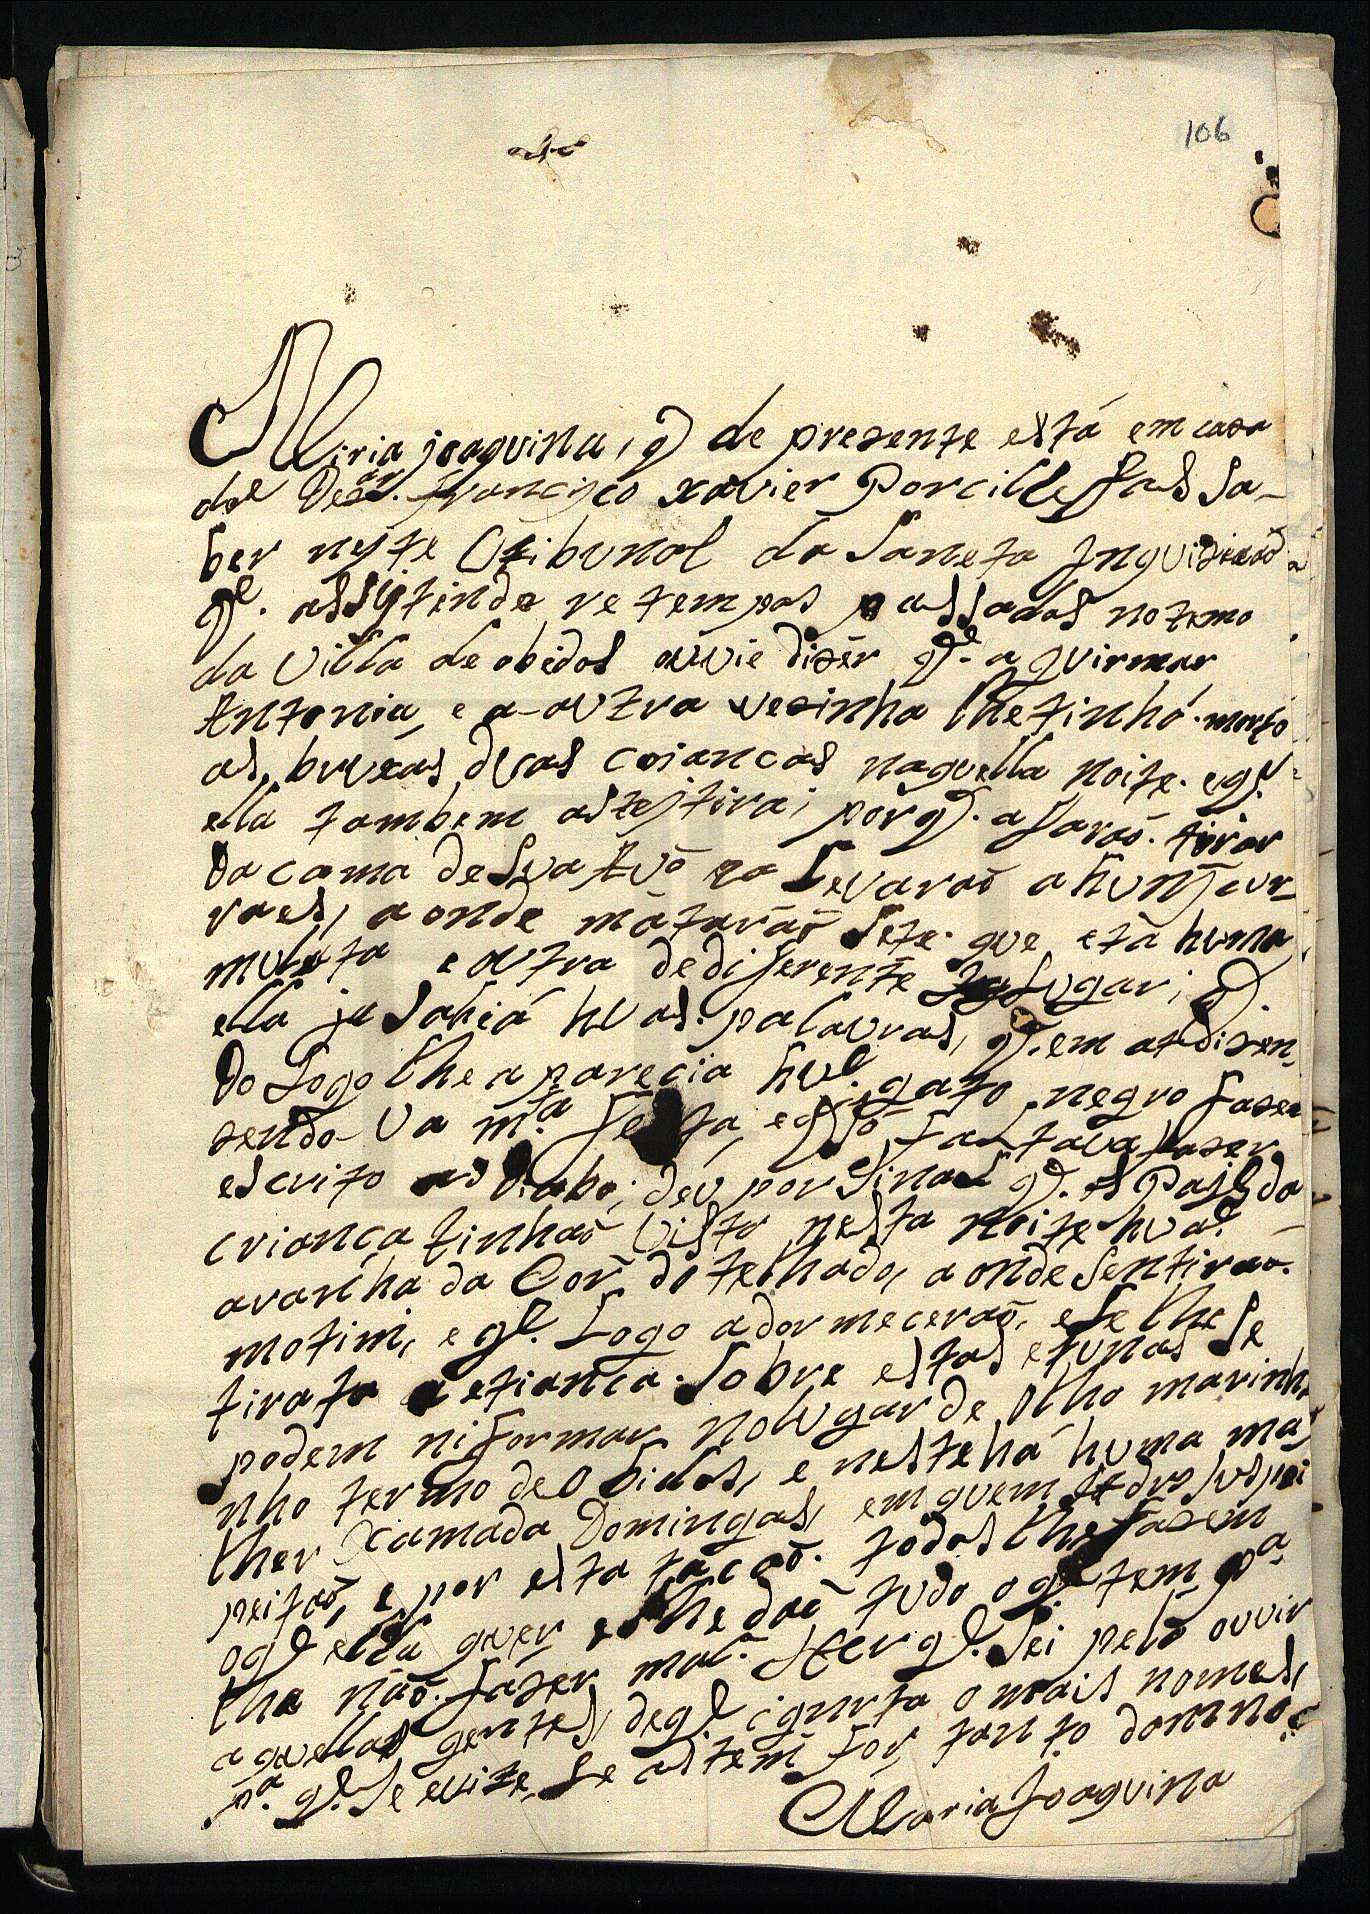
Miria joaquina, q̄ de prezente está em caza
do Dez.or francisco xavier Porcilhe fas sa
ber neste Otibunal da Sancta Jnquizicaõ
q̄ assistindo re tempos passados no trmo
da villa de obidos ouvie dizer q̄. a gvirmar
Antonia, e a-outra vezinha lhe tinhó morto
as, bruxas duas crianças naquella noite. e q̄
ella tambem as tejtira; porq̄. a foraõ. tirar
da cama de Sua Avó e a Levaraõ a huns̄ cur
raes, aonde matarão sete. que, eta huma
mulata e outra de diferente Jg Lugar; q̄
ella ja sahia huas. palavras, q̄ em az dizen
do Logo lhe aparecia hū gato negro faze
zendo va m.ta fe_ta, e q̄ so, faLtaua faser
escrito ao Diabo; deu por sinal q̄ os pais da
criança tinhaõ visto nesta noite huā.
aranha da Cor do telhado, aonde sentiraõ.
motim; e q̄ Logo adormeceraõ, e se lhe
tirato a e tiança. sobre estas e tunas se
podem niformar no lugar de olho marinh
nho termo de obidos, e neste há huma ma
lher xamada Domingas em quem todus suspei
peitaõ, e por esta taçaõ. todas lhe fazem
o q̄ elha quer e lhe daõ tudo o q̄ tem p.a
lha naõ. fazer mal. Her q̄. sei pelo ouuir
aquellas gente de q̄. ignrta o mais nomes,
p.a q̄. se euite se astem for, tanto damno
Maria Joaquina
